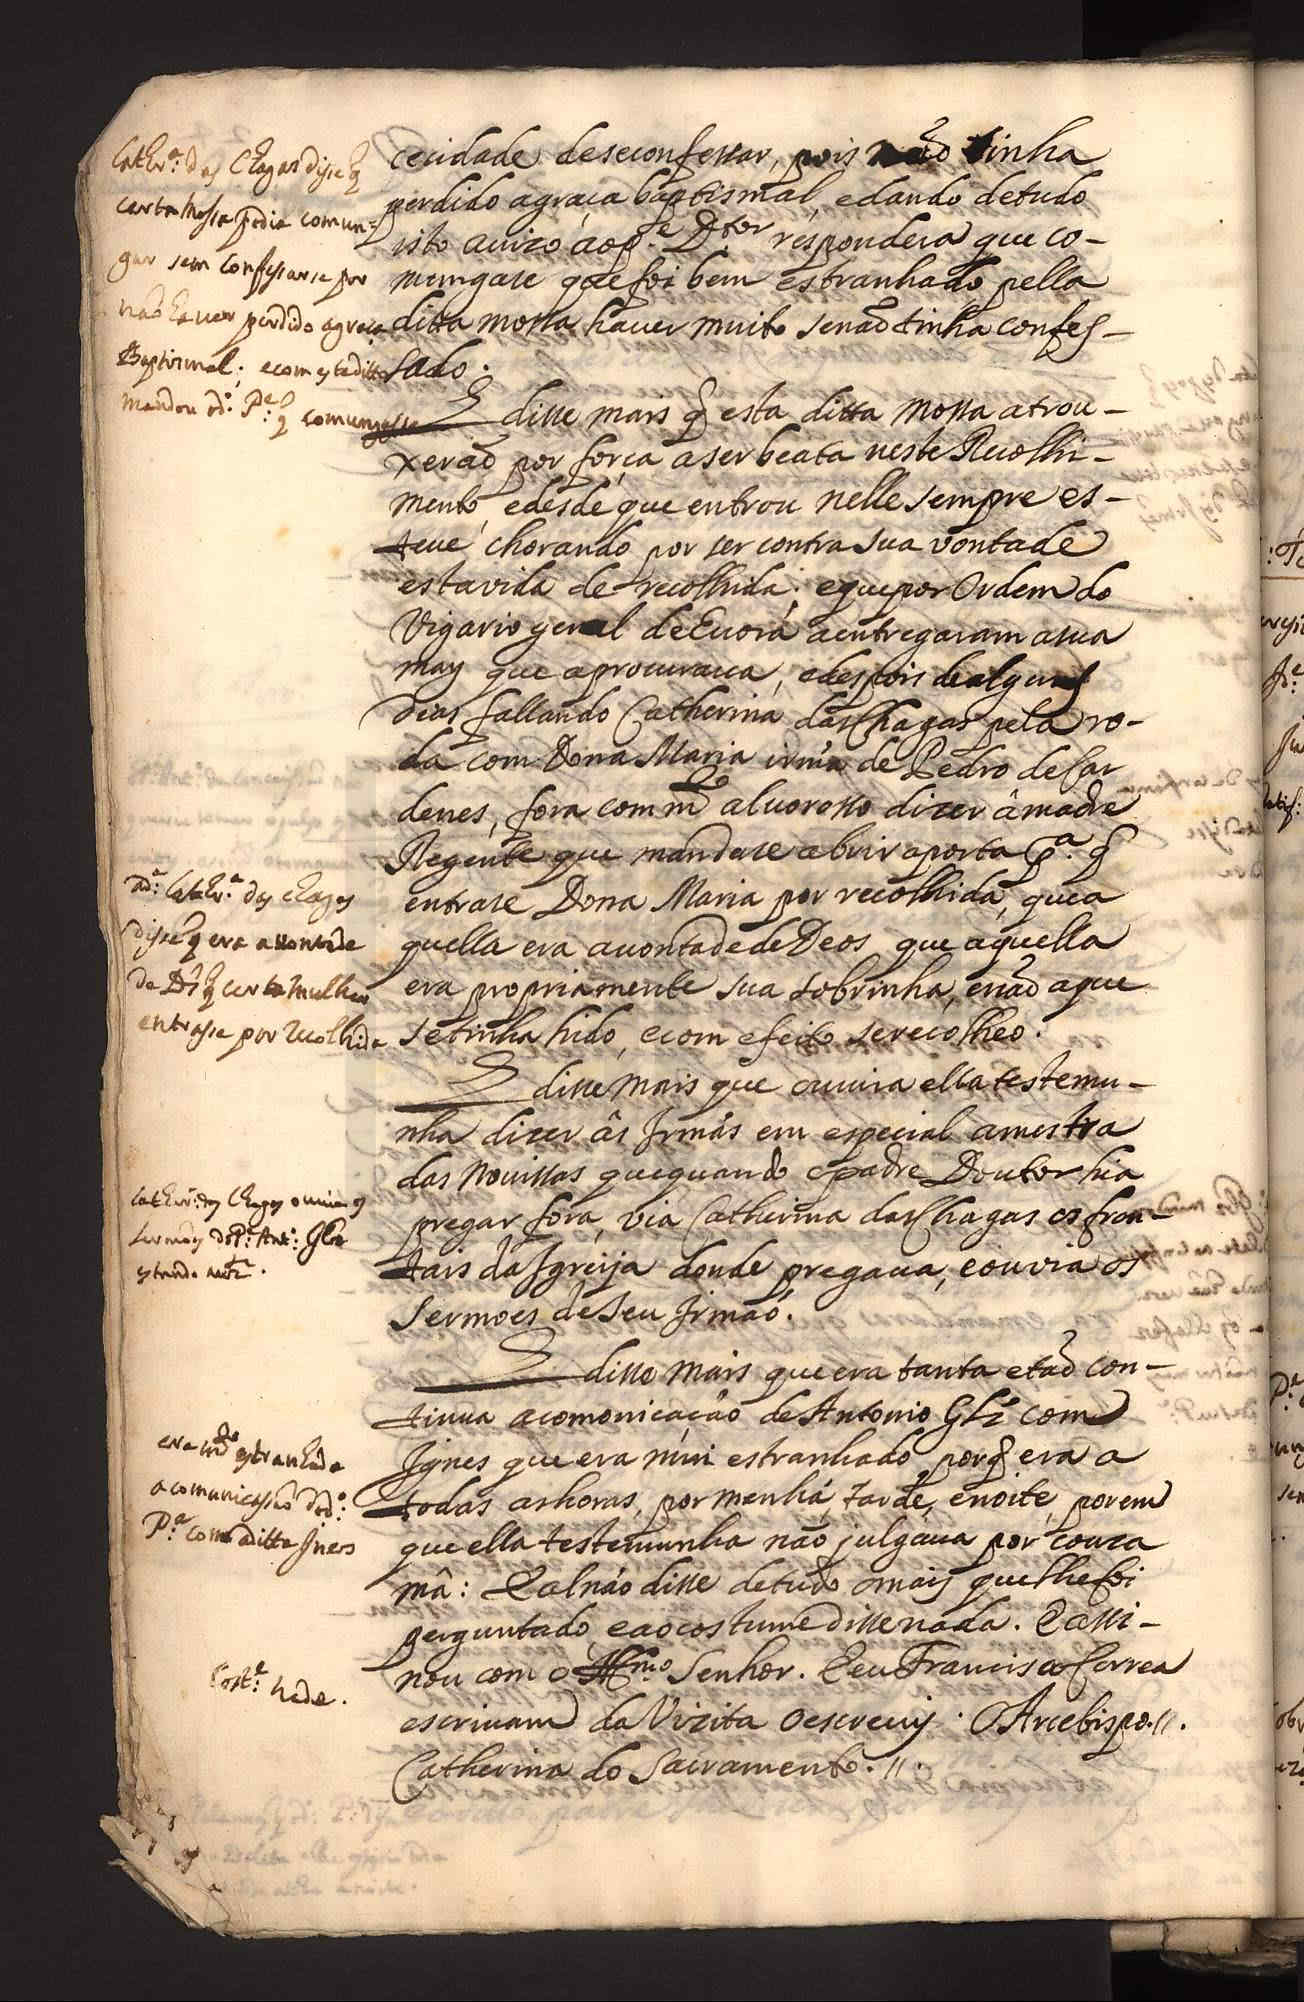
cecidade de se confessar, pois naõ tinha
perdido a graça baptismal, e dando de tudo
isto auizo ao p.e D.tor respondera que co
mungase que foi bem estranhado pella
ditta mossa hauer muito se naõ tinha confes
sado.
Cathr.a das Chagas disse q̄
certa mossa podia comun
gar sem confessarse por
naõ hauer perdido a graça
Baptismal; e com este ditto
mandou o d.o P.e q̄ comungasse
E disse mais q̄ esta ditta mossa a trou
xeraõ por força a ser beata neste Recolhi
mento, e desde que entrou nelle sempre es
teue chorando por ser contra sua vontade
esta vida de recolhida; e que por Ordem do
Vigario geral de Euora a entregaram a sua
may que a procuraua, e despois de alguns
dias fallando Catherina das Chagas pela ro
da com Dona Maria irmā de Pedro de Car
denes, fora com mto aluorosso dizer â madre
Regente que mandase abrir a porta p.a q̄
entrase Dona Maria por recolhida, que a
quella era a uontade de Deos que aquella
era propriamente sua sobrinha, e naõ a que
se tinha hido, e com efeito se recolheo.
a d.a Cathr.a das chagas
disse q̄ era a vontade
de Ds̄ q̄ certa mulher
entrasse por Recolhida
E disse mais que ouuira ella testemu
nha dizer âs Jrmās em especial a mestra
das nouissas que quando o padre Doutor hia
pregar fora, via Catherina das Chagas os fron
tais da Jgreija donde pregaua, e ouvia os
sermoes de seu Jrmaõ.
Cather.a das Chagas ouuia os
Sermões do P.e Ant.o Glz̄
estando auz.te
E disse mais que era tanta, e taõ con
tinua a comonicaçaõ de Antonio Glz̄ com
Jgnes que era mui estranhado porq̄ era a
todas as horas, por menhā, tarde, e noite, porem
que ella testemunha naõ julgaua por couza
era mto estranhada
a comunicassão do d.o
P.e com a ditta Jnes
mâ. E al naõ disse de tudo o mais que lhe foi
perguntado, e ao costume disse nada. E assi
nou com o Ill.mo Senhor. E eu Francisco Correa
escriuam da Vizita o escreuy. O Arcebispo.//.
Catherina do Sacramento.//.
Cost.e nada.
